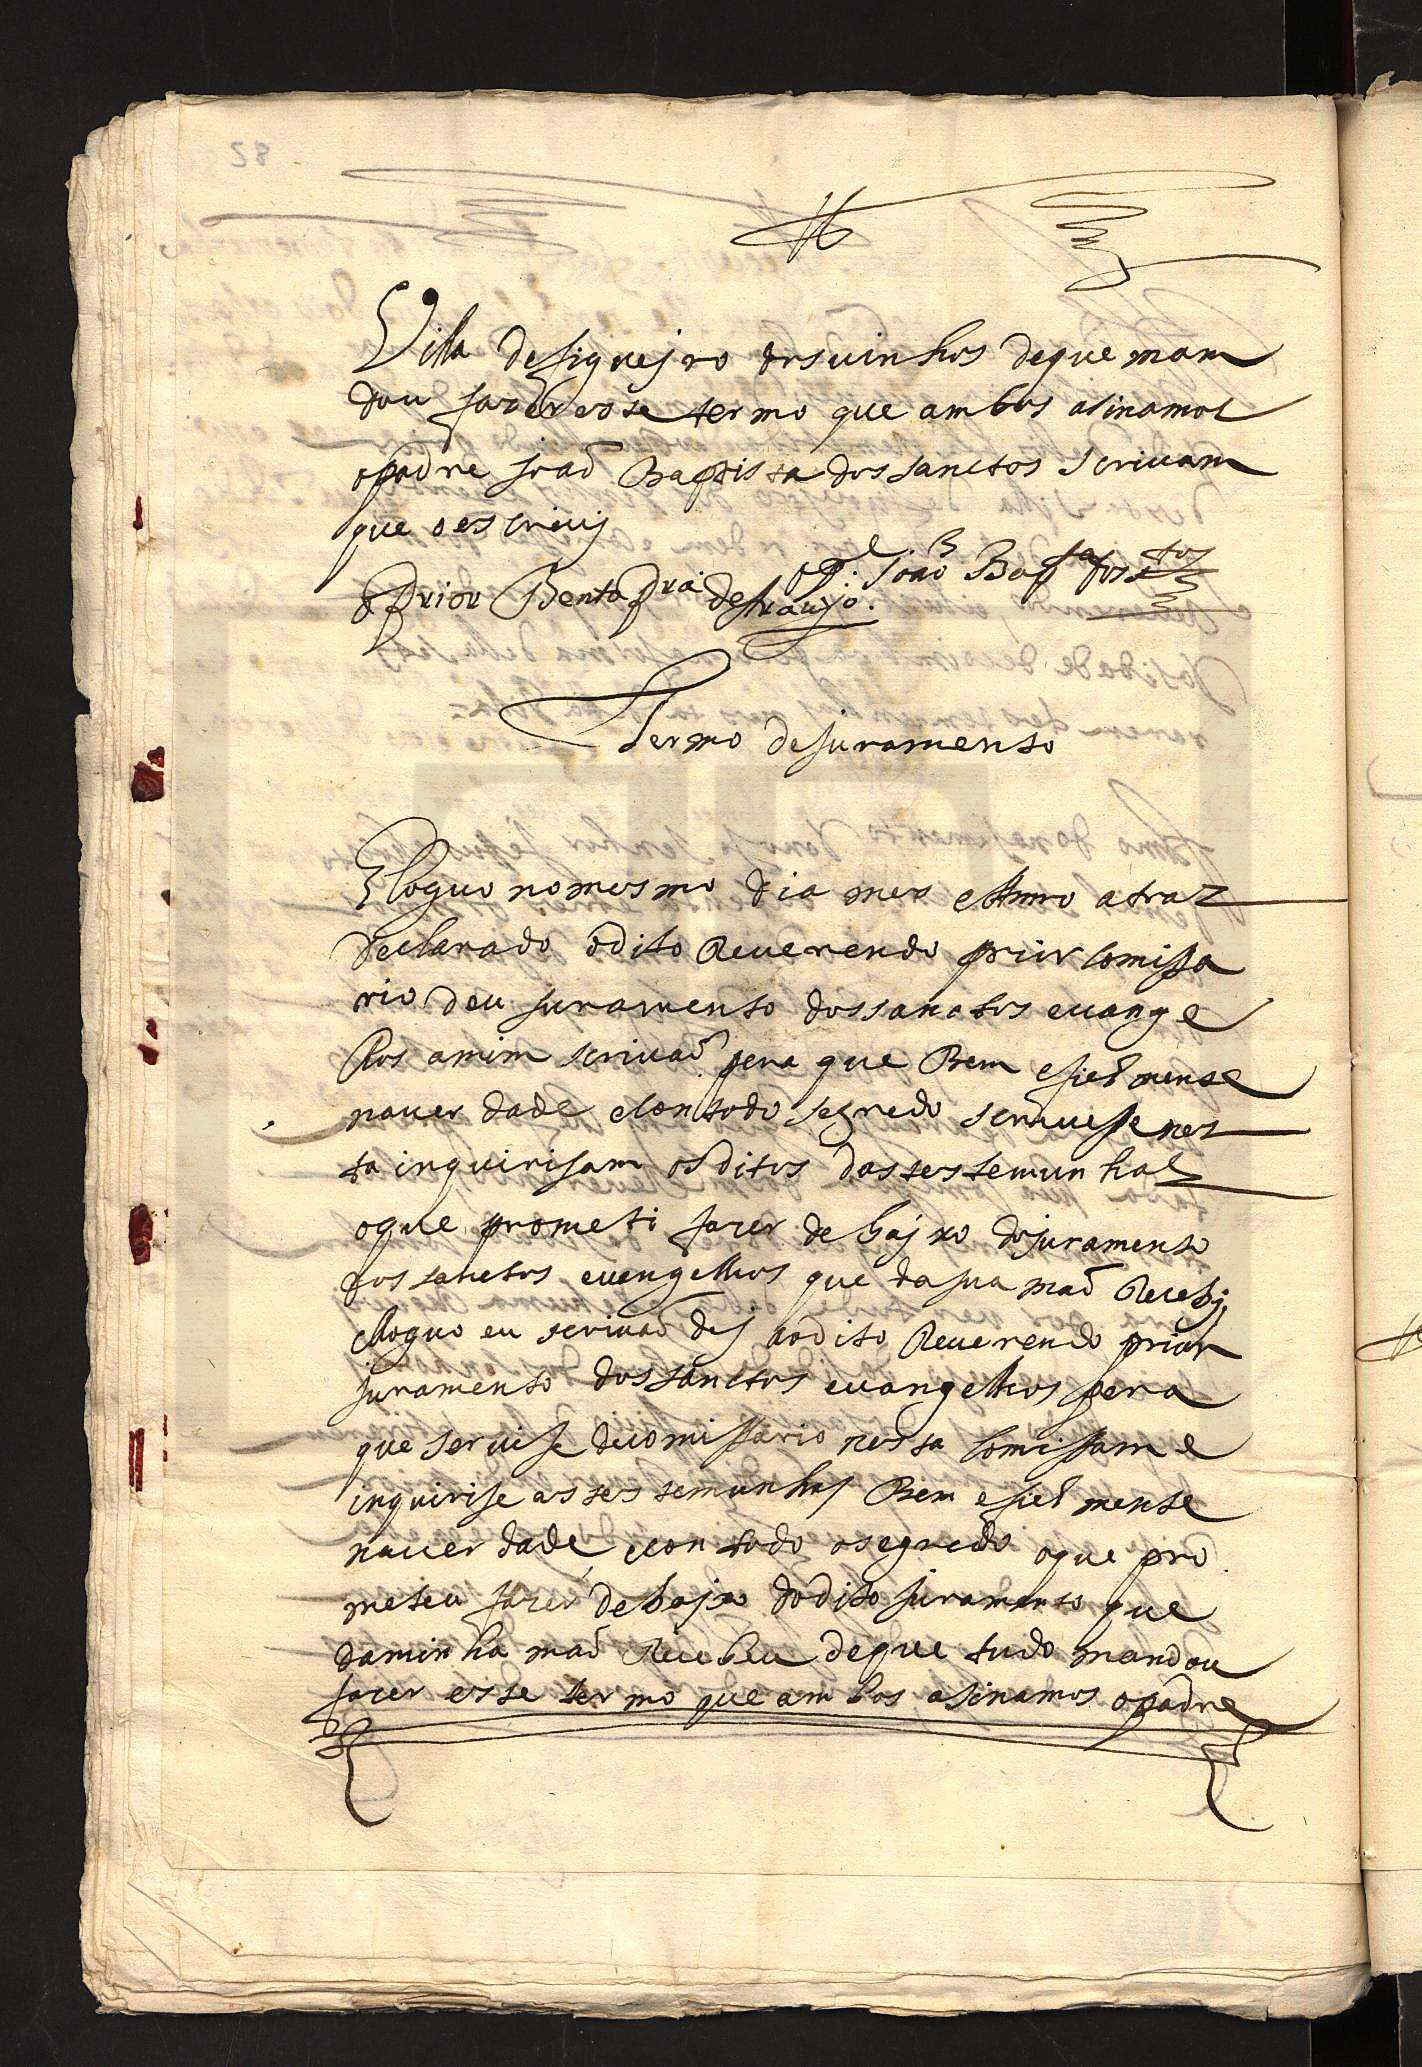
Villa de figuejro dos uinhos de que mam
dou fazer este termo que ambos asinamos
o padre joaõ Baptista dos Sanctos scriuam
que o escreuj
o p.e Ioaõ Bapta dos Stos
o prior Bento pra de Araujo.
Termo de juramento
E loguo no mesmo dia mes e Anno atraz
declarado o dito Reuerendo prior comissa
rio deu juramento dos sanctos euange
lhos a mim scriuaõ pera que Bem e fielmente
na uerdade e con todo segredo screuesse nes
ta inquirisam os ditos das testemunhas
o que prometi fazer debajxo do juramento
dos sanctos euangelhos que da sua maõ Recebj,
e lloguo eu scriuaõ dej ao dito Reuerendo prior
juramento dos sanctos euangelhos pera
que seruise de comissario nesta comissam e
inquirise as testemunhas Bem e fielmente
na uerdade e con todo o segredo o que pro
meteu fazer debajxo do dito juramento que
da minha maõ Recebeu de que tudo mandou
fazer este termo que ambos asinamos o padre
